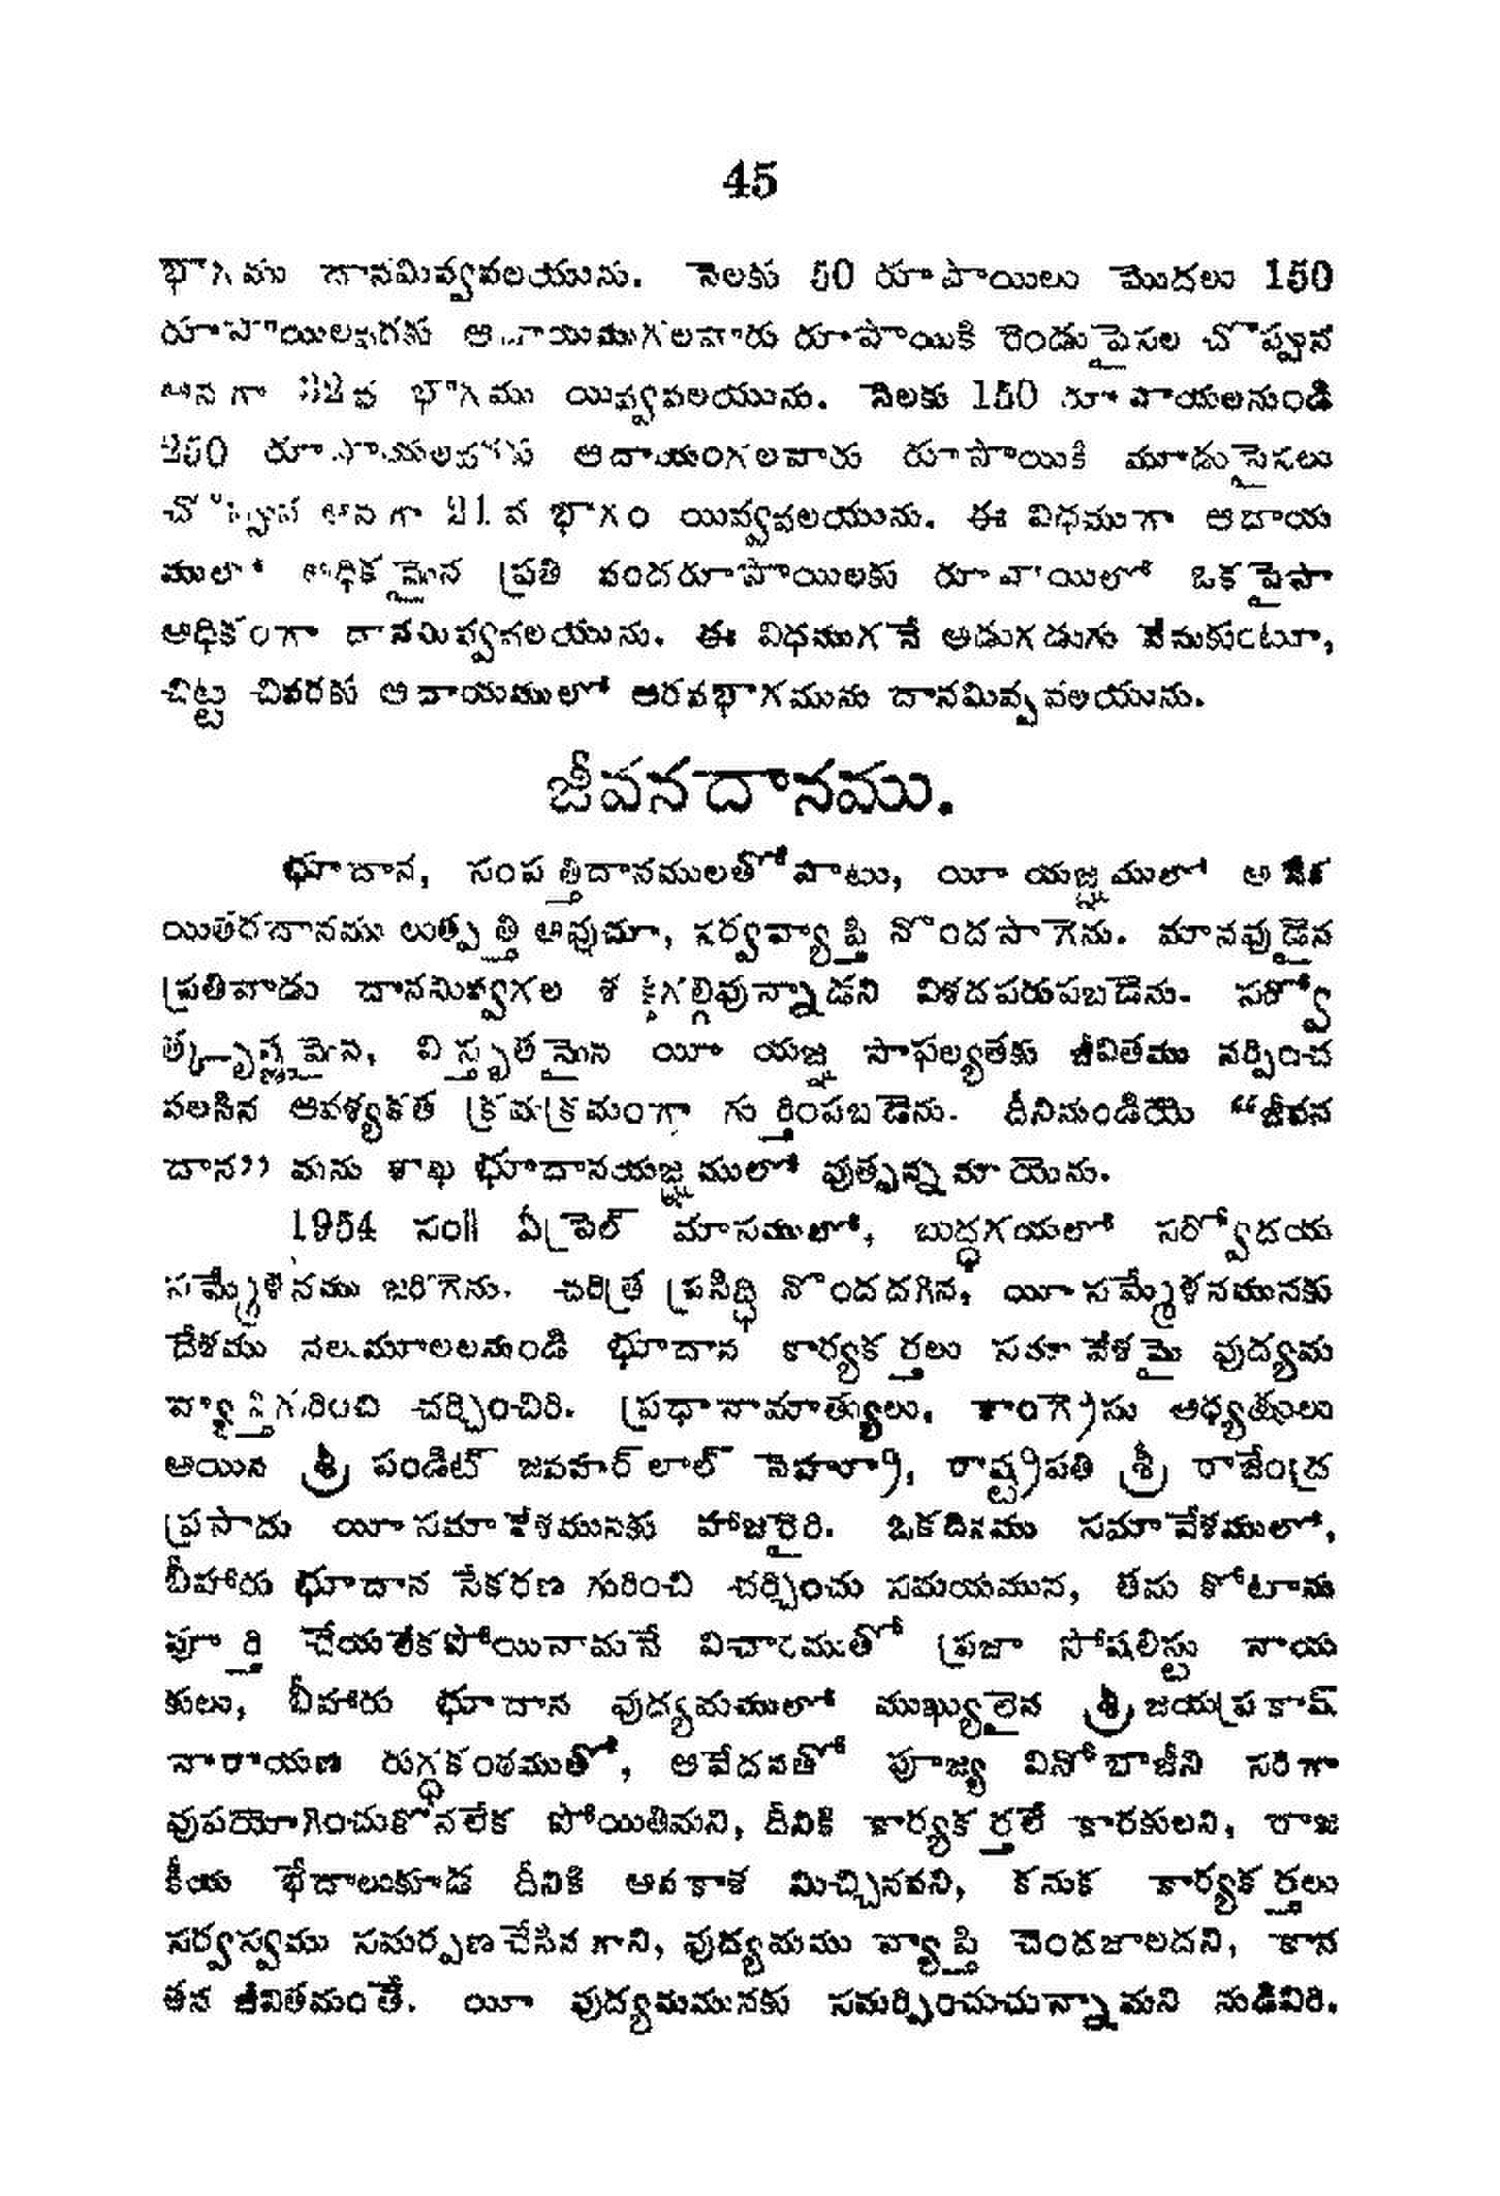భాగము దానమివ్వవలయును. నెలకు 50 రూపాయిలు మొదలు 150 రూపాయిలవరకు ఆదాయముగలవారు రూపాయికి రెండు పైసల చొప్పున అనగా 32 వ భాగము యివ్వవలయును. నెలకు 150 రూపాయలనుండి 250 రూపాయలవరకు ఆదాయంగలవారు రూపాయికి మూడుపైసలు చొప్పున అనగా 21. వ భాగం యివ్వవలయును. ఈ విధముగా ఆదాయములో అధికమైన ప్రతి వందరూపాయిలకు రూపాయిలో ఒకపైసా అధికంగా దానమివ్వవలయును. ఈ విధముగనే అడుగడుగు వేసుకుంటూ, చిట్ట చివరకు ఆదాయములో ఆరవభాగమును దానమివ్వవలయును.

జీవనదానము. 

భూదాన, సంపత్తిదానములతోపాటు, యీ యజ్ఞములో అనేక యితరదానము లుత్పత్తి అవుచూ, సర్వవ్యాప్తి నొందసాగెను. మానవుడైన ప్రతివాడు దానమివ్వగల శక్తిగల్గివున్నాడని విశదపరుపబడెను. సర్వోత్కృష్టమైన, విస్తృతమైన యీ యజ్ఞ సాఫల్యతకు జీవితము నర్పించ వలసిన ఆవశ్యకత క్రమక్రమంగా గుర్తింపబడెను. దీనినుండియె "జీవనదాన" మను శాఖ భూదానయజ్ఞములో వుత్సన్నమాయెను.

1954 సo|| ఏప్రెల్ మాసములో, బుద్ధగయలో సర్వోదయ సమ్మేళనము జరిగెను. చరిత్ర ప్రసిద్ధి నొందదగిన, యీసమ్మేళనమునకు దేశము నలుమూలలనుండి భూదాన కార్యకర్తలు సమావేశమై వుద్యమ వ్యాప్తిగురించి చర్చించిరి. ప్రధానామాత్యులు, కాంగ్రెసు అధ్యక్షులు అయిన శ్రీ పండిట్ జవహర్ లాల్ నెహ్రూ, రాష్ట్రపతి శ్రీ రాజేంద్రప్రసాదు యీ సమావేశముసకు హాజరైరి. ఒకదినము సమావేశములో, బీహారు భూదాన సేకరణ గురించి చర్చించు సమయమున, తమ కోటాను పూర్తి చేయలేకపోయినామనే విచారముతో ప్రజా సోషలిస్టు నాయకులు, బీహారు భూదాన వుద్యమములో ముఖ్యులైన శ్రీ జయప్రకాష్ నారాయణ రుగ్ధకంఠముతో, ఆవేదనతో పూజ్య వినోబాజీని సరిగా వుపయోగించుకొనలేక పోయితిమని, దీనికి కార్యకర్తలే కారకులని, రాజకీయ భేదాలుకూడ దీనికి అవకాశ మిచ్చినవని, కనుక కార్యకర్తలు సర్వస్వము సమర్పణచేసిన గాని, వుద్యమము వ్యాప్తి చెందజాలదని, కాన తన జీవితమంతే. యీ వుద్యమమునకు సమర్పించుచున్నామని నుడివిరి.